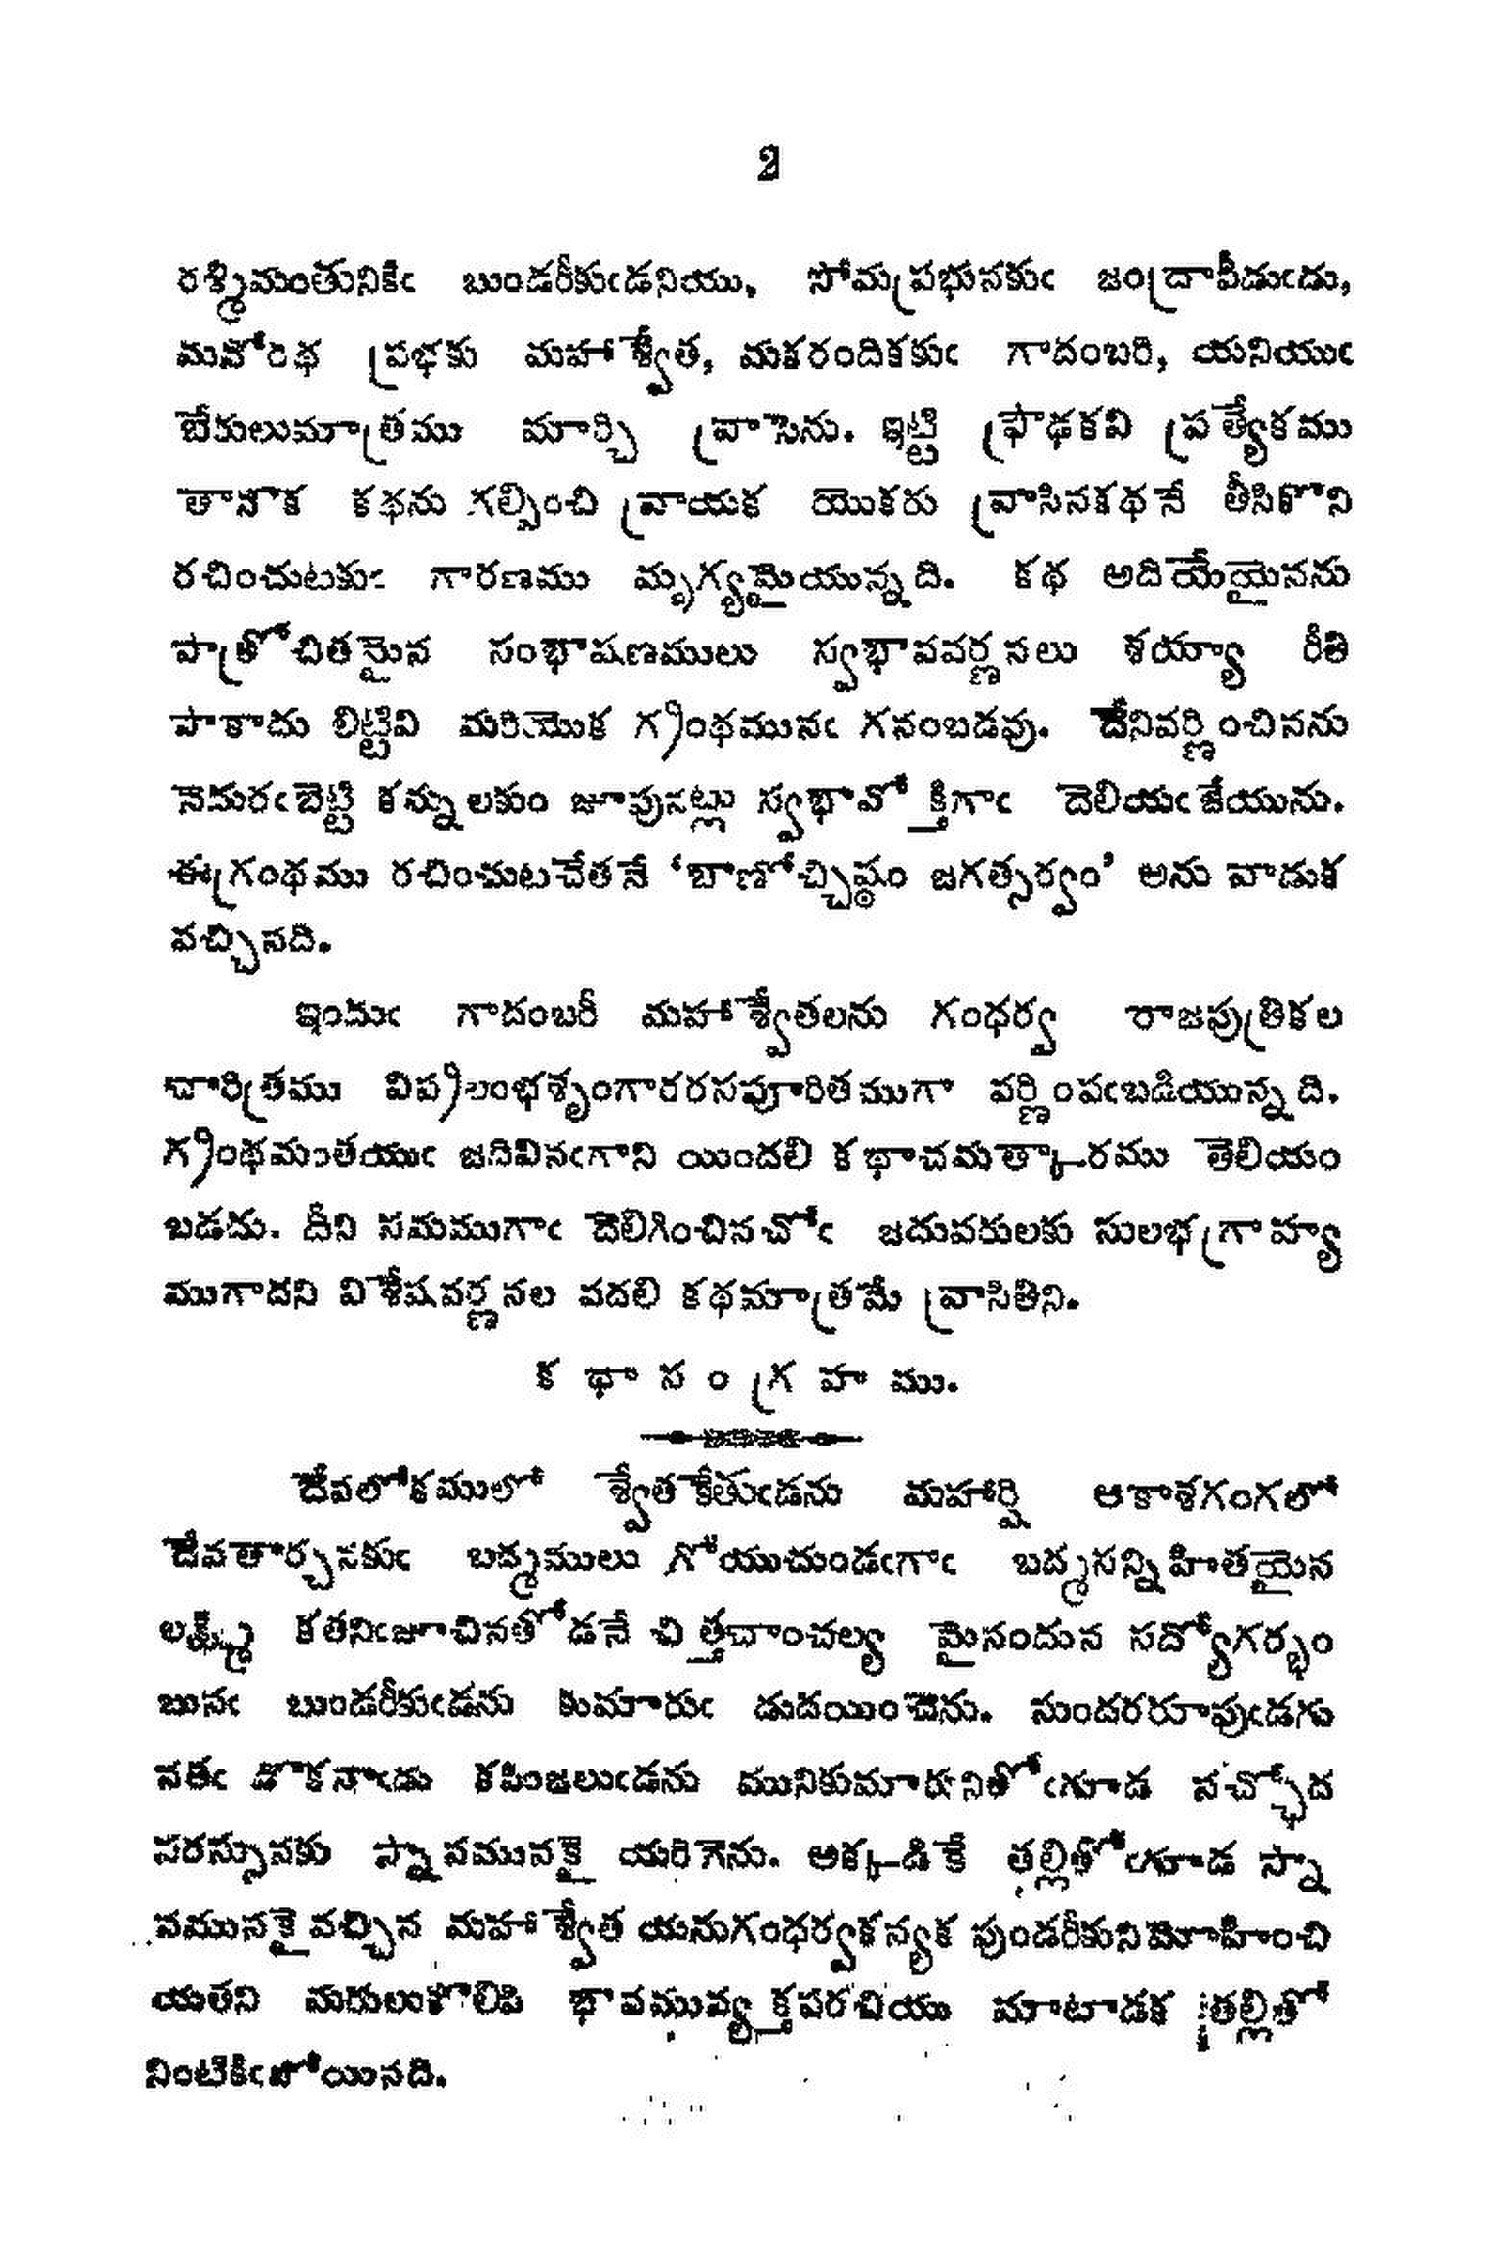రశ్మిమంతునికిఁ బుండరీకుఁడనియు, సోమప్రభునకుఁ జంద్రాపీడుఁడు, మనోరథ ప్రభకు మహాశ్వేత, మకరందికకుఁ గాదంబరి, యనియుఁ బేరులుమాత్రము మార్చి వ్రాసెను. ఇట్టి ఫ్రౌఢకవి ప్రత్యేకము తానొక కథను గల్పించి వ్రాయక యొకరు వ్రాసినకథనే తీసికొని రచించుటకుఁ గారణము మృగ్యమైయున్నది. కథ అదియేయైనను పాత్రోచితమైన సంబాషణములు స్వభావవర్ణనలు శయ్యా రీతి పాకాదు లిట్టివి మరియొక గ్రంథమునఁ గనంబడవు. దేనివర్ణించినను నెదురఁబెట్టి కన్నులకుం జూపునట్లు స్వభావోక్తిగాఁ దెలియఁజేయును. ఈగ్రంథము రచించుటచేతనే 'బాణోచ్చిష్ఠం జగత్సర్వం' అను వాడుక వచ్చినది.

ఇందుఁ గాదంబరీ మహాశ్వేతలను గంధర్వ రాజపుత్రికల చారిత్రము విప్రలంభశృంగారరసపూరితముగా వర్ణింపఁబడియున్నది. గ్రంథమంతయుఁ జదివినఁగాని యిందలి కథాచమత్కారము తెలియంబడదు. దీని సమముగాఁ దెలిగించినచోఁ జదువరులకు సులభగ్రాహ్యముగాదని విశేషవర్ణనల వదలి కథమాత్రమే వ్రాసితిని.

కథాసంగ్రహము.

దేవలోకములో శ్వేతకేతుఁడను మహార్షి ఆకాశగంగలో దేవతార్చనకుఁ బద్మములు గోయుచుండఁగాఁ బద్మసన్నిహితయైన లక్ష్మి కతనిఁజూచినతోడనే చిత్తచాంచల్య మైనందున సద్యోగర్భంబునఁ బుండరీకుఁడను కుమారుఁ డుదయించెను. సుందరరూపుఁడగు నతఁ డొకనాఁడు కపింజలుఁడను మునికుమారునితోఁగూడ నచ్ఛోద సరస్సునకు స్నానమునకై యరిగెను. అక్కడికే తల్లితోఁగూడ స్నానమునకై వచ్చిన మహాశ్వేత యనుగంధర్వకన్యక పుండరీకునిమోహించి యతని మరులుకొలిపి భావమువ్యక్తపరచియు మాటాడక తల్లితో నింటికిఁబోయినది.